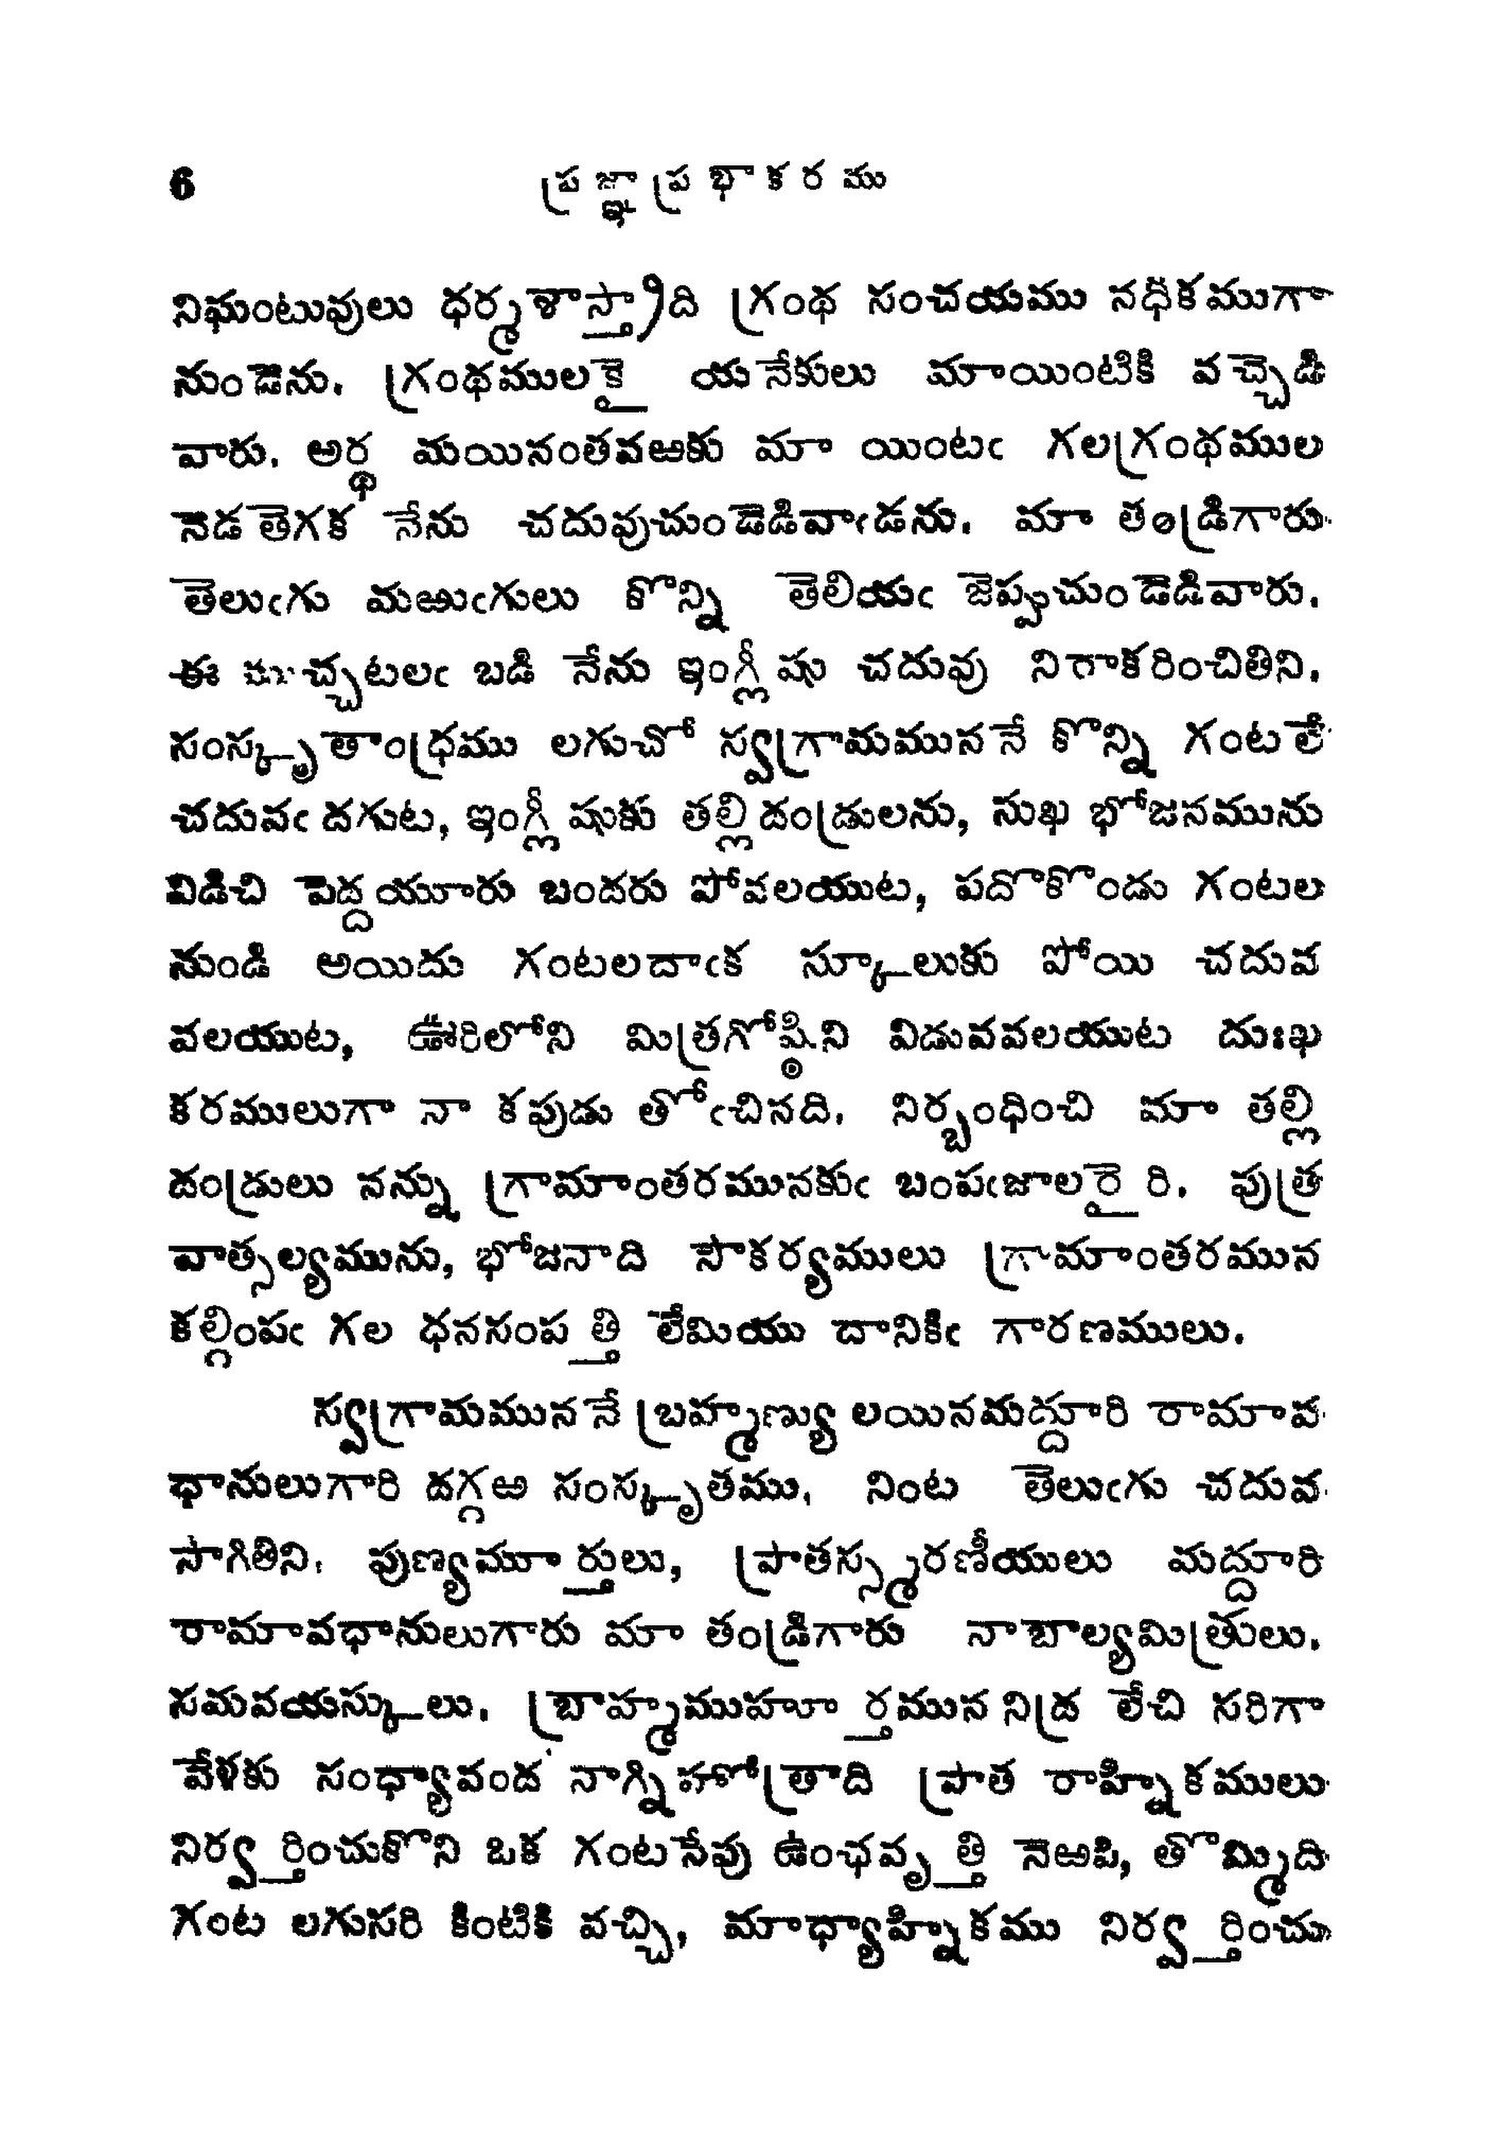నిఘంటువులు ధర్మశాస్త్రాది గ్రంధ సంచయము నధికముగా నుండెను. గ్రంధములకై యనేకులు మా యింటికి వచ్చెడివారు. అర్ధ మయినంత వఱకు మా యింటఁ గల గ్రంధముల నెడ తెగక నేను చదువు చుండెడివాఁ డను. మా తండ్రిగారు తెలుఁగు మఱుఁగులు కొన్ని తెలియఁ జెప్పు చుండెడివారు. ఈ ముచ్చటలఁ బడి నేని ఇంగ్లీషుకు చదువు నిరాకరించితిని. సంస్కృతాంధ్రములగుచో స్వగ్రామముననే కొన్ని గంటలే చదువఁ డగుట, ఇంగ్లీషుకు తల్లిదండ్రులను, సుఖ భోజనమును విడిచి పెద్దయూరు బందరు పోవలయుట, పదొకొండు గంటలనుండి అయిదు గంటల దాఁక స్కూలుకు పోయి చదువవలయుట, ఊరిలోని మిత్రగోష్టిని విడువవలయుట దుఃఖకరములుగా నా కపుడు తోఁచినవి. నిర్బంధించి మా తల్లిదండ్రులు నన్ను గ్రామాంతరమునకుఁ బంపఁ జాలరైరి.పుత్రువాత్సల్యమును,భోజనాది సౌకర్యములు గ్రామంతరమున కల్గింపఁ గల ధనసంపత్తి లేమియు దానికిఁ గారణములు.
 
స్వగ్రామముననే బ్రహ్మణ్యులయిన మద్దూరి రామావ దానులుగారి దగ్గఱ సంస్కృతము, నింత తెలుఁ గు చదువ సాగితిని. పుణ్యమూర్తులు, ప్రాతస్స్మరాణీయులు మద్దూరి రామావధానులుగారు మా తండ్రిగారు నా బాల్య మిత్రులు. సమవయస్కులు. బ్రహ్మముహుర్తమున నిద్రలేచి సరిగా వేళకు సంధ్యా వంద నాగ్నిహోత్రాది ప్రాత రాహ్నికములు నిర్విర్తించుకొని ఒక గంట సేపు ఉంఛవృత్తి నెఱిపి, తొమ్మిది గంటలగుసరి కింటికి వచ్చి, మాధ్యాహ్నికము నిర్వర్తించు